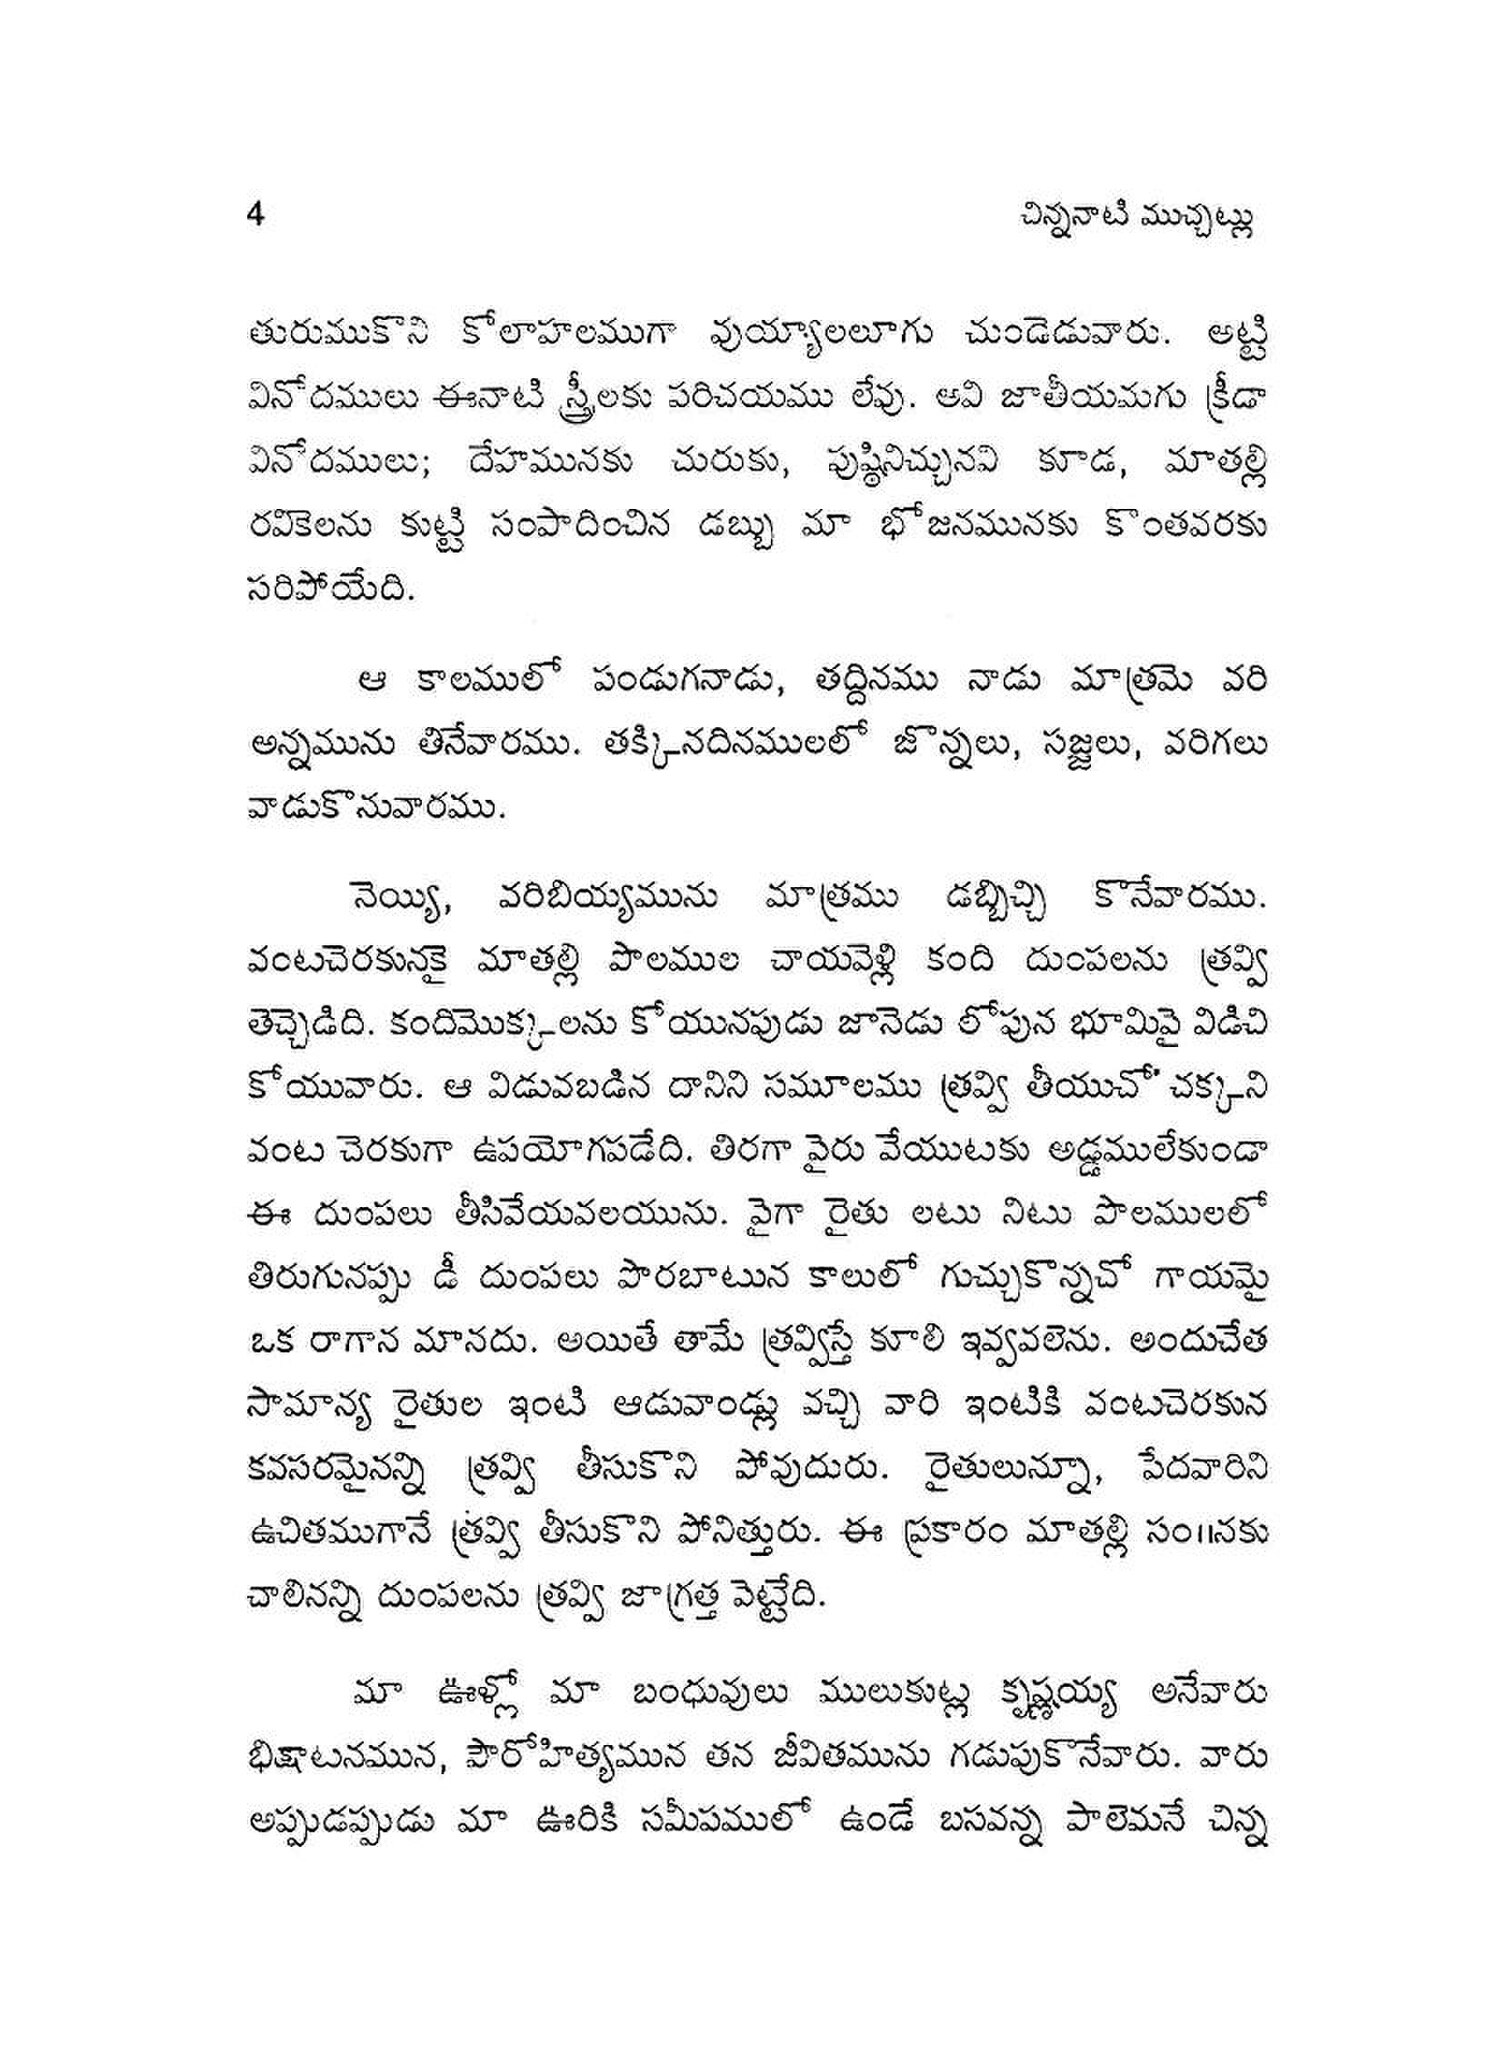తురుముకొని కోలాహలముగా వుయ్యాలలూగు చుండెడువారు. అట్టి వినోదములు ఈనాటి స్త్రీలకు పరిచయము లేవు. అవి జాతీయమగు క్రీడా వినోదములు; దేహమునకు చురుకు, పుష్టినిచ్చునవి కూడ, మాతల్లి రవికెలను కుట్టి సంపాదించిన డబ్బు మా భోజనమునకు కొంతవరకు సరిపోయేది.

ఆ కాలములో పండుగనాడు, తద్దినము నాడు మాత్రమె వరి అన్నమును తినేవారము. తక్కినదినములలో జొన్నలు, సజ్జలు, వరిగలు వాడుకొనువారము.

నెయ్యి, వరిబియ్యమును మాత్రము డబ్బిచ్చి కొనేవారము. వంటచెరకునకై మాతల్లి పొలముల చాయవెళ్లి కంది దుంపలను త్రవ్వి తెచ్చెడిది. కందిమొక్కలను కోయునపుడు జానెడు లోపున భూమిపై విడిచి కోయువారు. ఆ విడువబడిన దానిని సమూలము త్రవ్వి తీయుచో చక్కని వంట చెరకుగా ఉపయోగపడేది. తిరగాపైరు వేయుటకు అడ్డములేకుండా ఈ దుంపలు తీసివేయవలయును. పైగా రైతు లటు నిటు పొలములలో తిరుగునప్పుడీ దుంపలు పొరబాటున కాలులో గుచ్చుకొన్నచో గాయమై ఒక రాగాన మానదు. అయితే తామే త్రవ్విస్తే కూలి ఇవ్వవలెను. అందుచేత సామాన్య రైతుల ఇంటి ఆడువాండ్లు వచ్చి వారి ఇంటికి వంటచెరకున కవసరమైనన్ని త్రవ్వి తీసుకొని పోవుదురు. రైతులున్నూ, పేదవారిని ఉచితముగానే త్రవ్వి తీసుకొని పోనిత్తురు. ఈ ప్రకారం మాతల్లి సం॥నకు చాలినన్ని దుంపలను త్రవ్వి జాగ్రత్త వెట్టేది.

మా ఊళ్ళో మా బంధువులు ములుకుట్ల కృష్ణయ్య అనేవారు భిక్షాటనమున, పౌరోహిత్యమున తన జీవితమును గడుపుకొనేవారు. వారు అప్పుడప్పుడు మా ఊరికి సమీపములో ఉండే బసవన్న పాలెమనే చిన్న